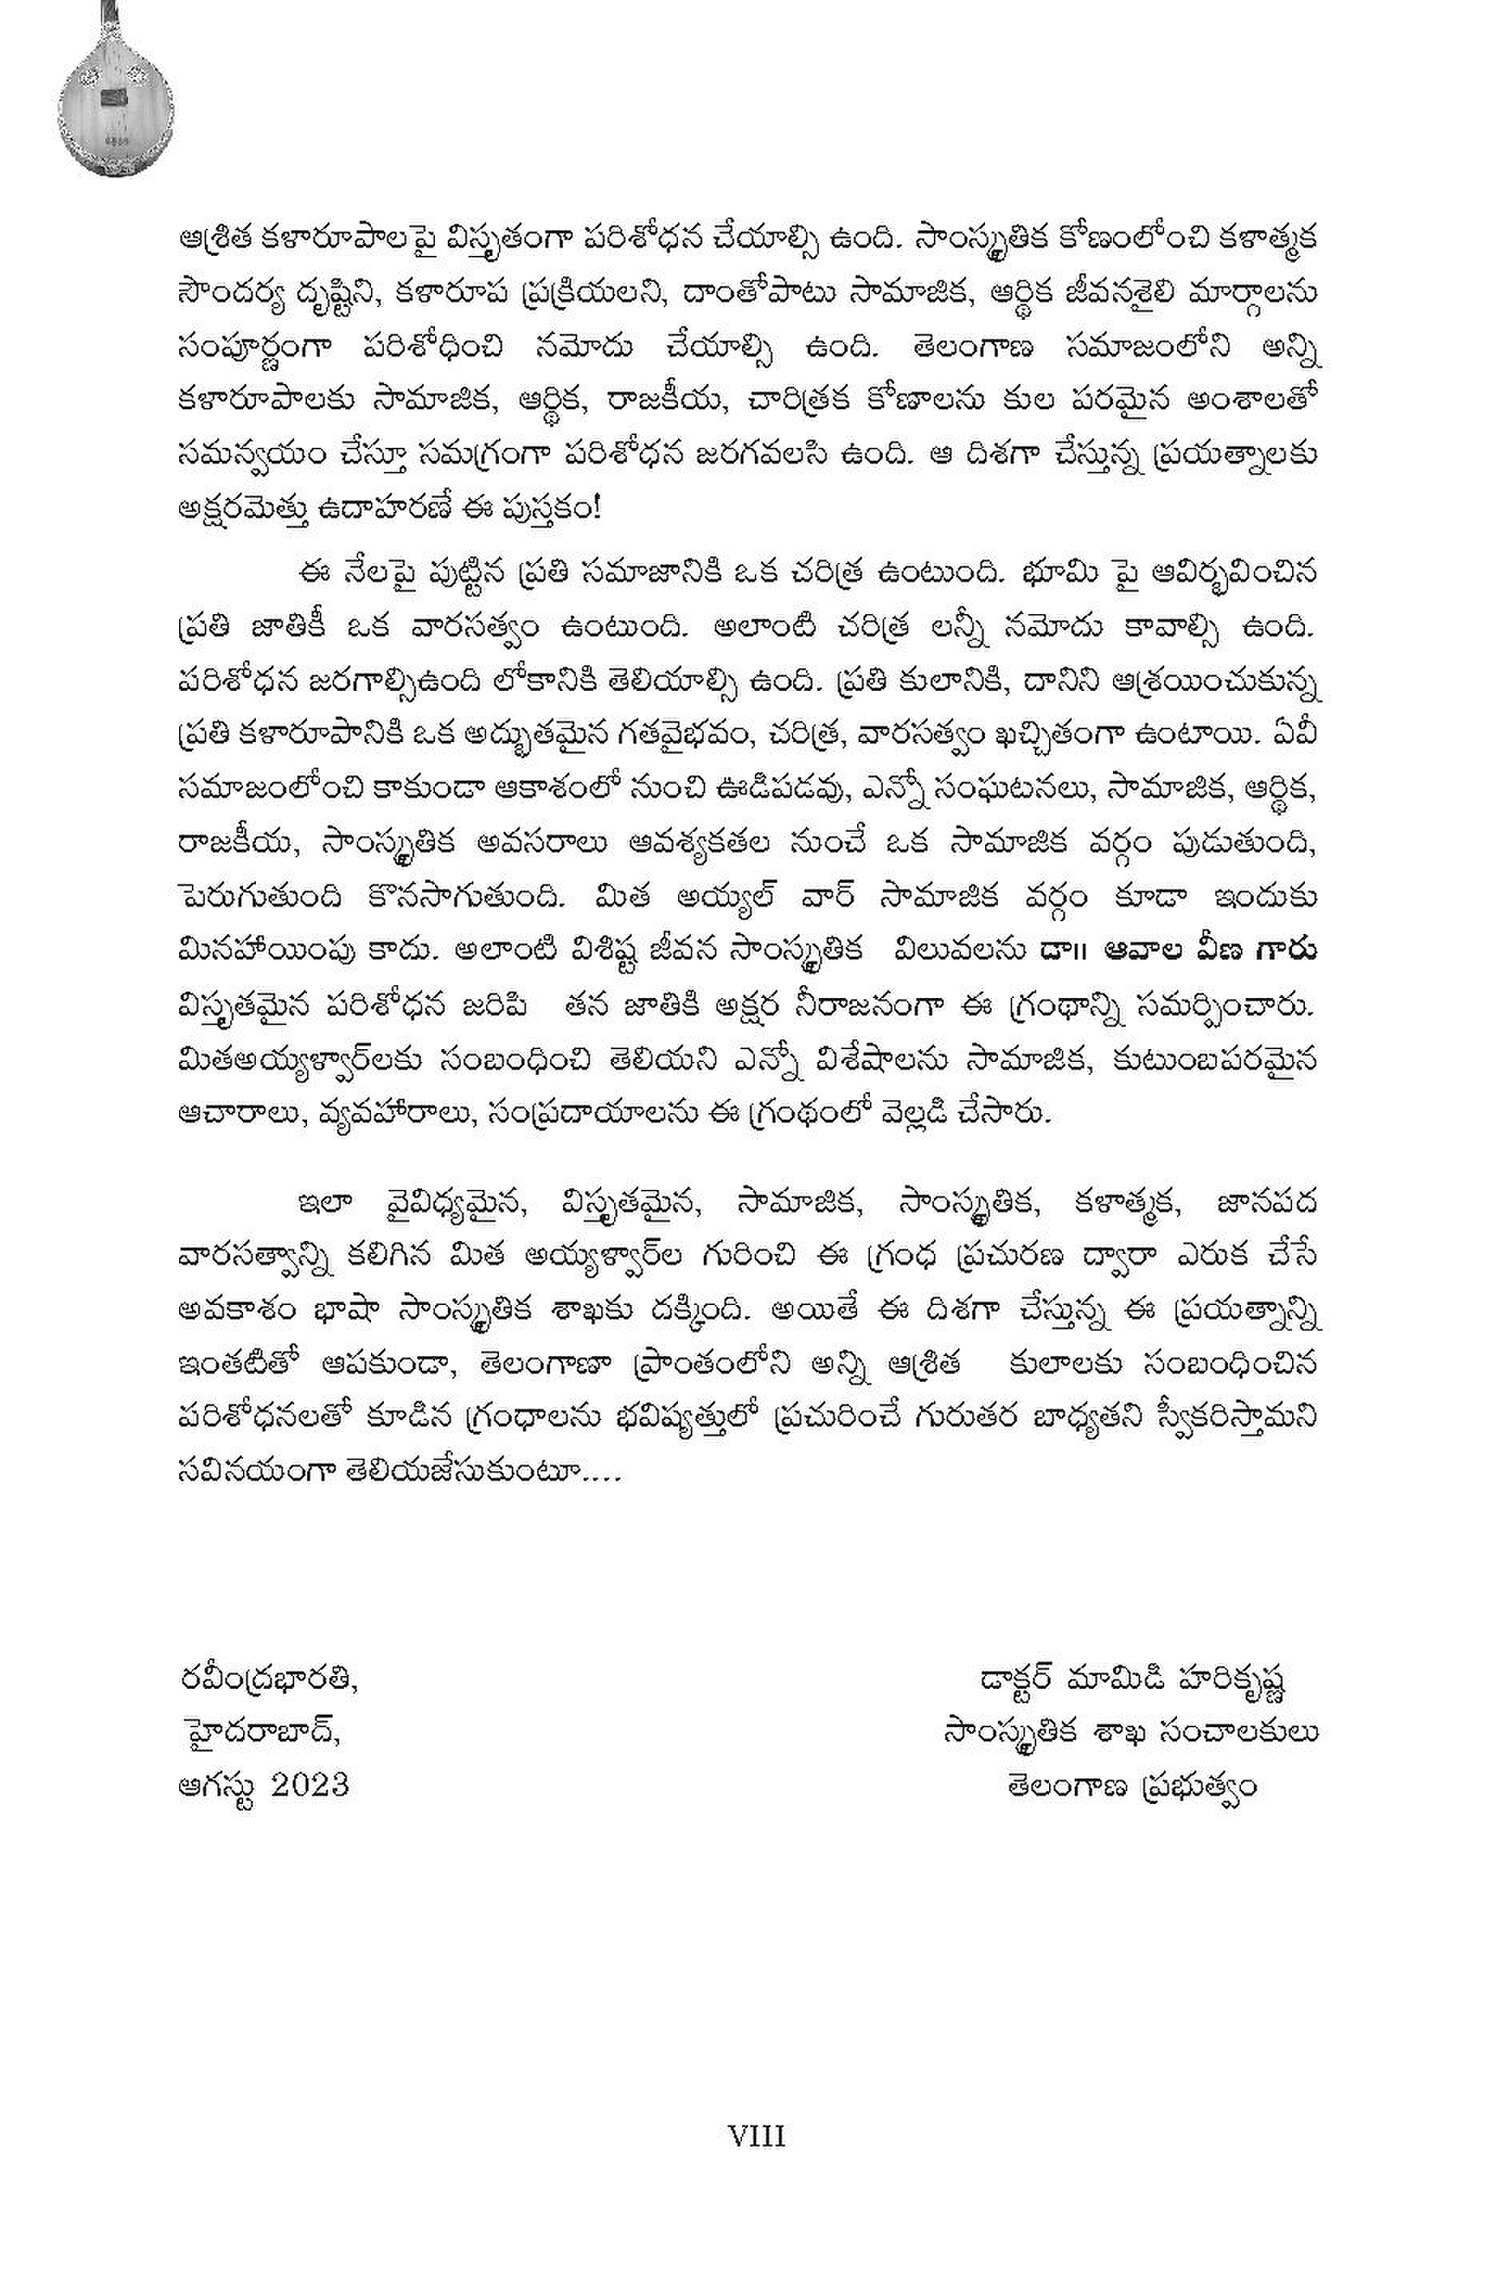ఆశ్రిత కళారూపాలపై విస్తృతంగా పరిశోధన చేయాల్సి ఉంది. సాంస్కృతిక కోణంలోంచి కళాత్మక సౌందర్య దృష్టిని, కళారూప ప్రక్రియలని, దాంతోపాటు సామాజిక, ఆర్థిక జీవనశైలి మార్గాలను సంపూర్ణంగా పరిశోధించి నమోదు చేయాల్సి ఉంది. తెలంగాణ సమాజంలోని అన్ని కళారూపాలకు సామాజిక, ఆర్థిక, రాజకీయ, చారిత్రక కోణాలను కుల పరమైన అంశాలతో సమన్వయం చేస్తూ సమగ్రంగా పరిశోధన జరగవలసి ఉంది. ఆ దిశగా చేస్తున్న ప్రయత్నాలకు అక్షరమెత్తు ఉదాహరణే ఈ పుస్తకం!

ఈ నేలపై పుట్టిన ప్రతి సమాజానికి ఒక చరిత్ర ఉంటుంది. భూమి పై ఆవిర్భవించిన ప్రతి జాతికీ ఒక వారసత్వం ఉంటుంది. అలాంటి చరిత్ర లన్నీ నమోదు కావాల్సి ఉంది. పరిశోధన జరగాల్సిఉంది లోకానికి తెలియాల్సి ఉంది. ప్రతి కులానికి, దానిని ఆశ్రయించుకున్న ప్రతి కళారూపానికి ఒక అద్భుతమైన గతవైభవం, చరిత్ర, వారసత్వం ఖచ్చితంగా ఉంటాయి. ఏవీ సమాజంలోంచి కాకుండా ఆకాశంలో నుంచి ఊడిపడవు, ఎన్నో సంఘటనలు, సామాజిక, ఆర్థిక, రాజకీయ, సాంస్కృతిక అవసరాలు ఆవశ్యకతల నుంచే ఒక సామాజిక వర్గం పుడుతుంది, పెరుగుతుంది కొనసాగుతుంది. మిత అయ్యల్ వార్ సామాజిక వర్గం కూడా ఇందుకు మినహాయింపు కాదు. అలాంటి విశిష్ట జీవన సాంస్కృతిక విలువలను డా॥ ఆవాల వీణ గారు విస్తృతమైన పరిశోధన జరిపి తన జాతికి అక్షర నీరాజనంగా ఈ గ్రంథాన్ని సమర్పించారు. మిత అయ్యళ్వార్లకు సంబంధించి తెలియని ఎన్నో విశేషాలను సామాజిక, కుటుంబపరమైన ఆచారాలు, వ్యవహారాలు, సంప్రదాయాలను ఈ గ్రంథంలో వెల్లడి చేసారు.

ఇలా వైవిధ్యమైన, విస్తృతమైన, సామాజిక, సాంస్కృతిక, కళాత్మక, జానపద వారసత్వాన్ని కలిగిన మిత అయ్యళ్వార్ల గురించి ఈ గ్రంధ ప్రచురణ ద్వారా ఎరుక చేసే అవకాశం భాషా సాంస్కృతిక శాఖకు దక్కింది. అయితే ఈ దిశగా చేస్తున్న ఈ ప్రయత్నాన్ని ఇంతటితో ఆపకుండా, తెలంగాణా ప్రాంతంలోని అన్ని ఆశ్రిత కులాలకు సంబంధించిన పరిశోధనలతో కూడిన గ్రంధాలను భవిష్యత్తులో ప్రచురించే గురుతర బాధ్యతని స్వీకరిస్తామని సవినయంగా తెలియజేసుకుంటూ....

రవీంద్రభారతి,
హైదరాబాద్,
ఆగస్టు 2023